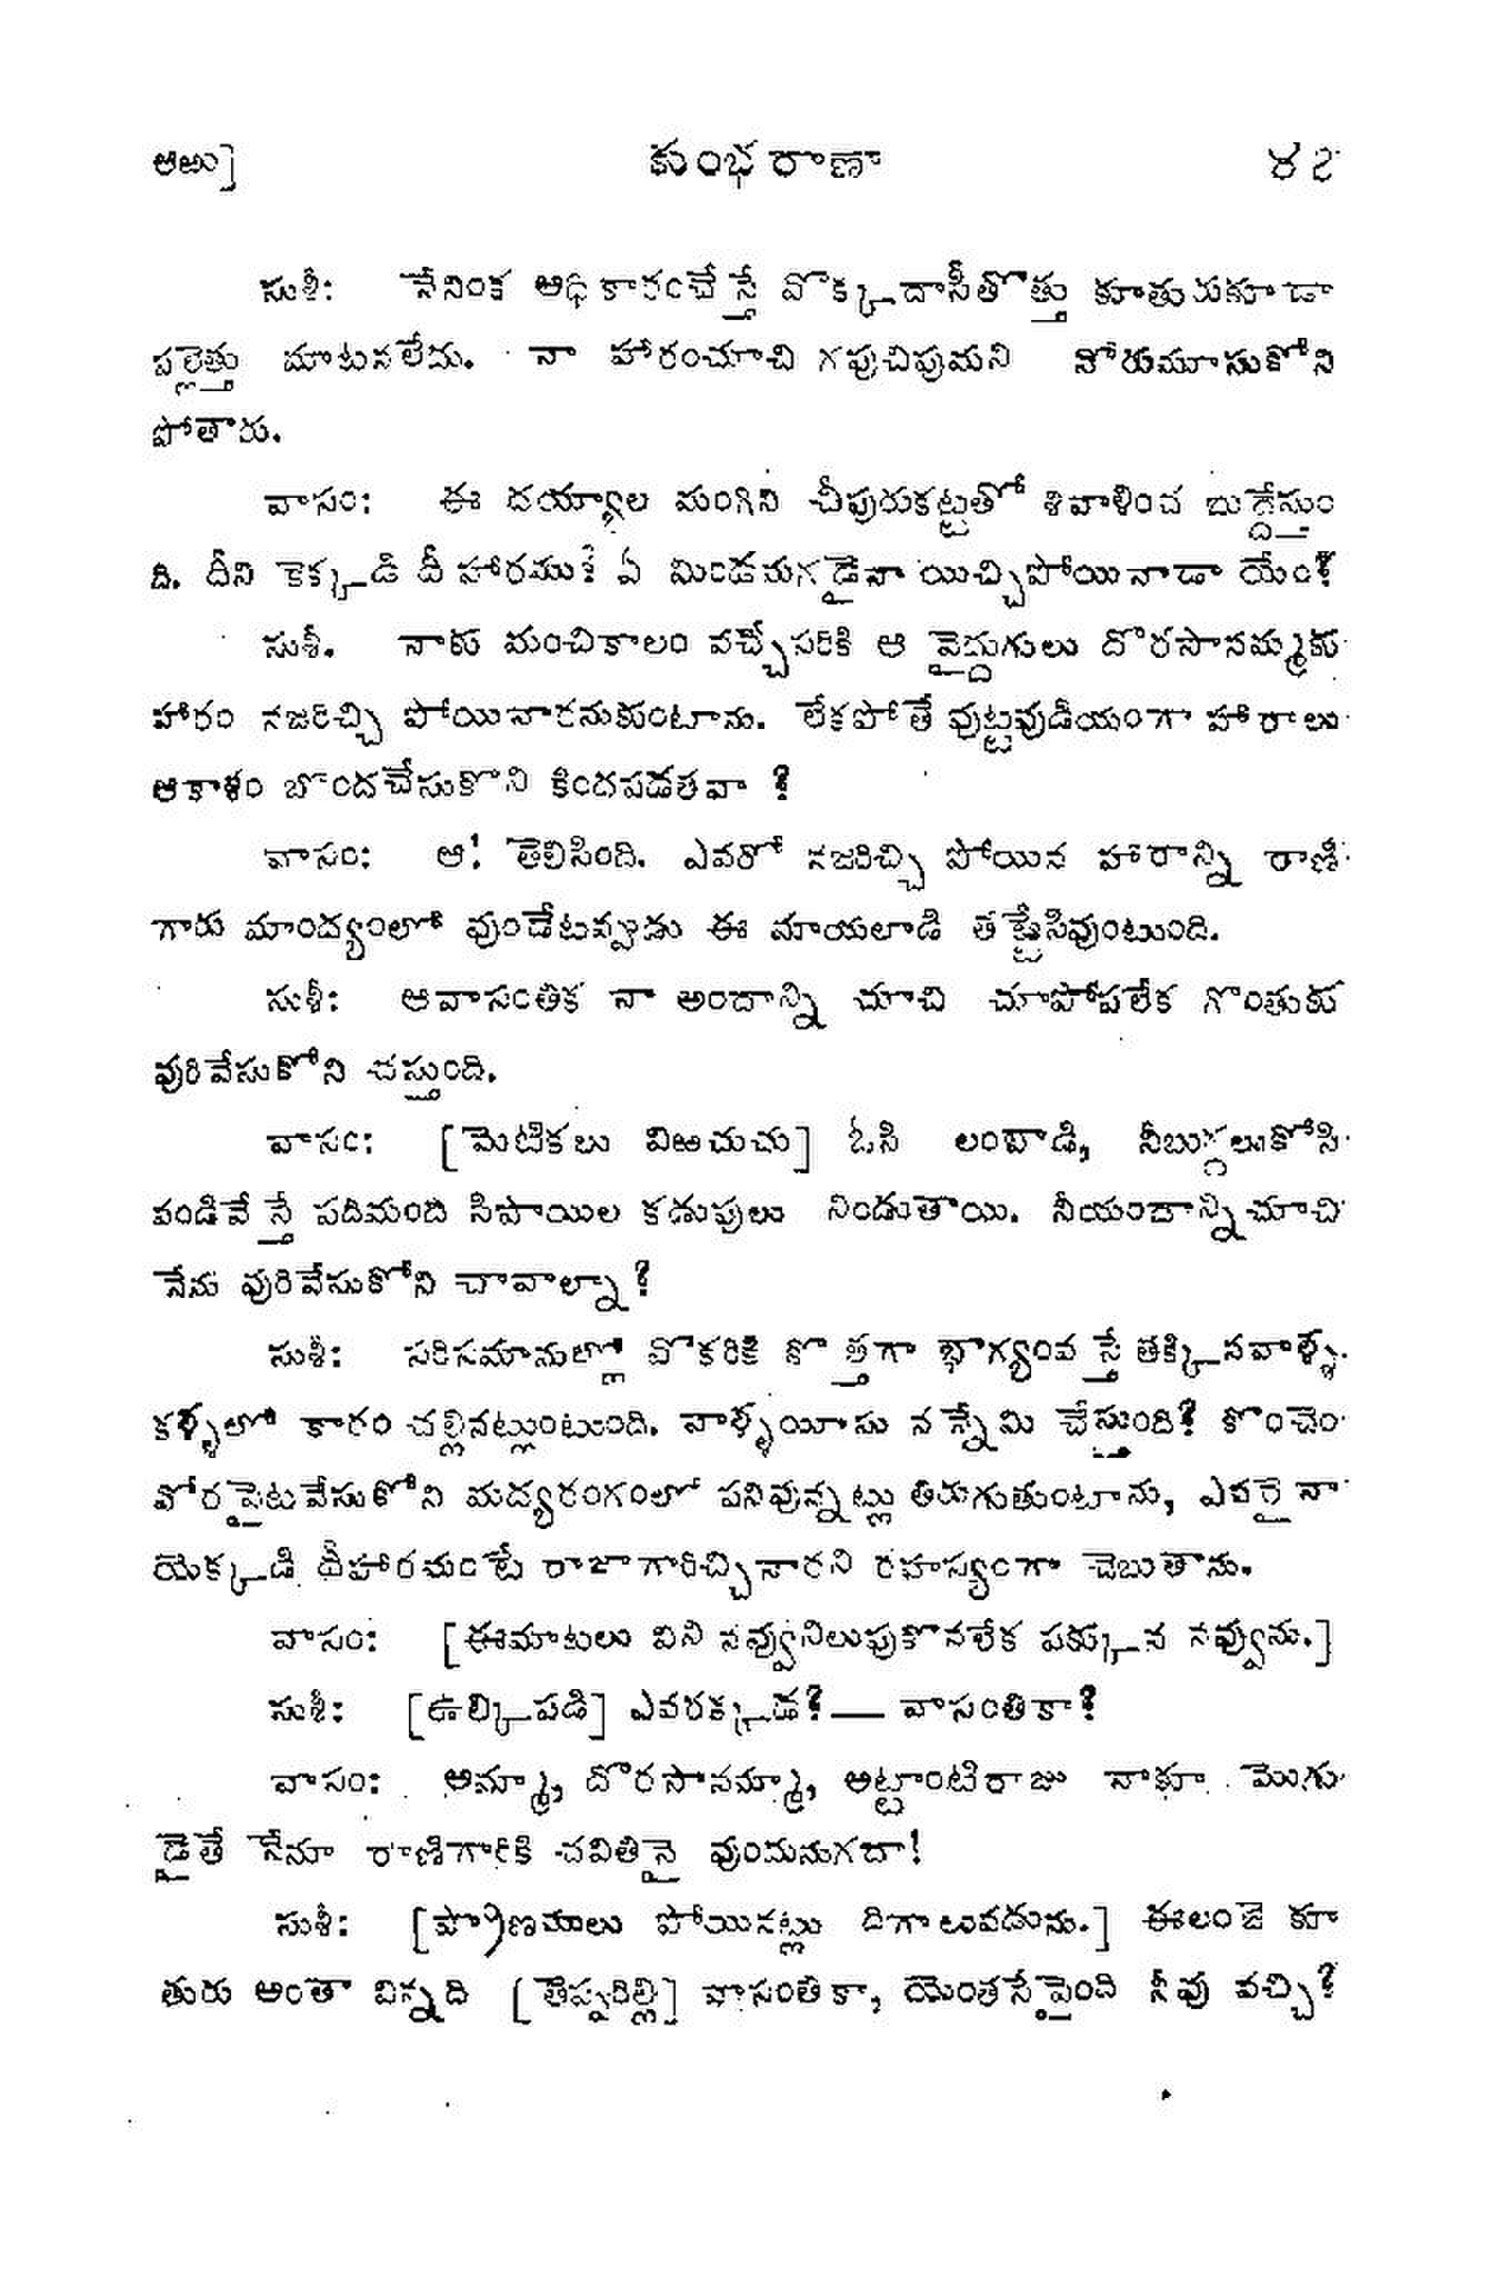సుశీ : నేనింక అధికారంచేస్తే వొక్కదాసీతొత్తు కూతురుకూడా పల్లెత్తు మాటనలేదు. నా హారంచూచి గపుచిపుమని నోరుమూసుకోని పోతారు.

వాసం : ఈ దయ్యాల మంగిని చీపురుకట్టతో శివాళించ బుద్దేస్తుంది. దీని కెక్కడి దీ హారము? ఏ మిండమగడైనా యిచ్చిపోయినాడా యేం?

సుశీ : నాకు మంచికాలం వచ్చేసరికి ఆ వైద్దుగులు దొరసానమ్మకు హారం నజరిచ్చి పోయినారనుకుంటాను. లేకపోతే వుట్టవుడియంగా హారాలు ఆకాశం బిందచేసుకొని కిందపడతవా ?

వాసం : ఆ ! తెలిసింది. ఎవరో నజరిచ్చి పోయిన హారాన్ని రాణిగారు మాంద్యంలో వుండేటప్పుడు ఈ మాయలాడి తట్టేసివుంటుంది.

సుశీ : ఆవాసంతిక నా అందాన్ని చూచి చూపోపలేక గొంతుకు వురివేసుకోని చస్తుంది.

వాసం : [మెటికలు విఱచుచు] ఓసి లంబాడి, నీబుగ్గలుకోసి వండివేస్తే పదిమంది సిపాయిల కడుపులు నిండుతాయి. నీయందాన్నిచూచి నేను వురివేసుకోని చావాల్నా ?

సుశీ : సరిసమానుల్లో వొకరికి కొత్తగా భాగ్యంవస్తే తక్కినవాళ్ళ కళ్ళల్లో కారం చల్లినట్లుంటుంది. వాళ్ళయీసు నన్నేమి చేస్తుంది ? కొంచెం వోరపైటవేసుకొని మద్యరంగంలో పనివున్నట్లు తిరుగుతుంటాను, ఎవరైనా యెక్కడి దీహారమంటే రాజాగారిచ్చినారని రహస్యంగా చెబుతాను.

వాసం : [ఈమాటలు విని నవ్వునిలుపుకొనలేక పక్కున నవ్వును.]

సుశీ : [ఉల్కిపడి] ఎవరక్కడ? - వాసంతికా?

వాసం : అమ్మా, దొరసానమ్మా, అట్టాంటిరాజు నాకూ మొగుడైతే నేను రాణిగారికి చవితినై వుందునుగదా!

సుశీ : [ప్రాణములు పోయినట్లు దిగాలువడును] ఈలంజె కూతురు అంతా విన్నది [తెప్పరిల్లి] వాసంతికా, యెంతసేపైంది నీవు వచ్చి ?